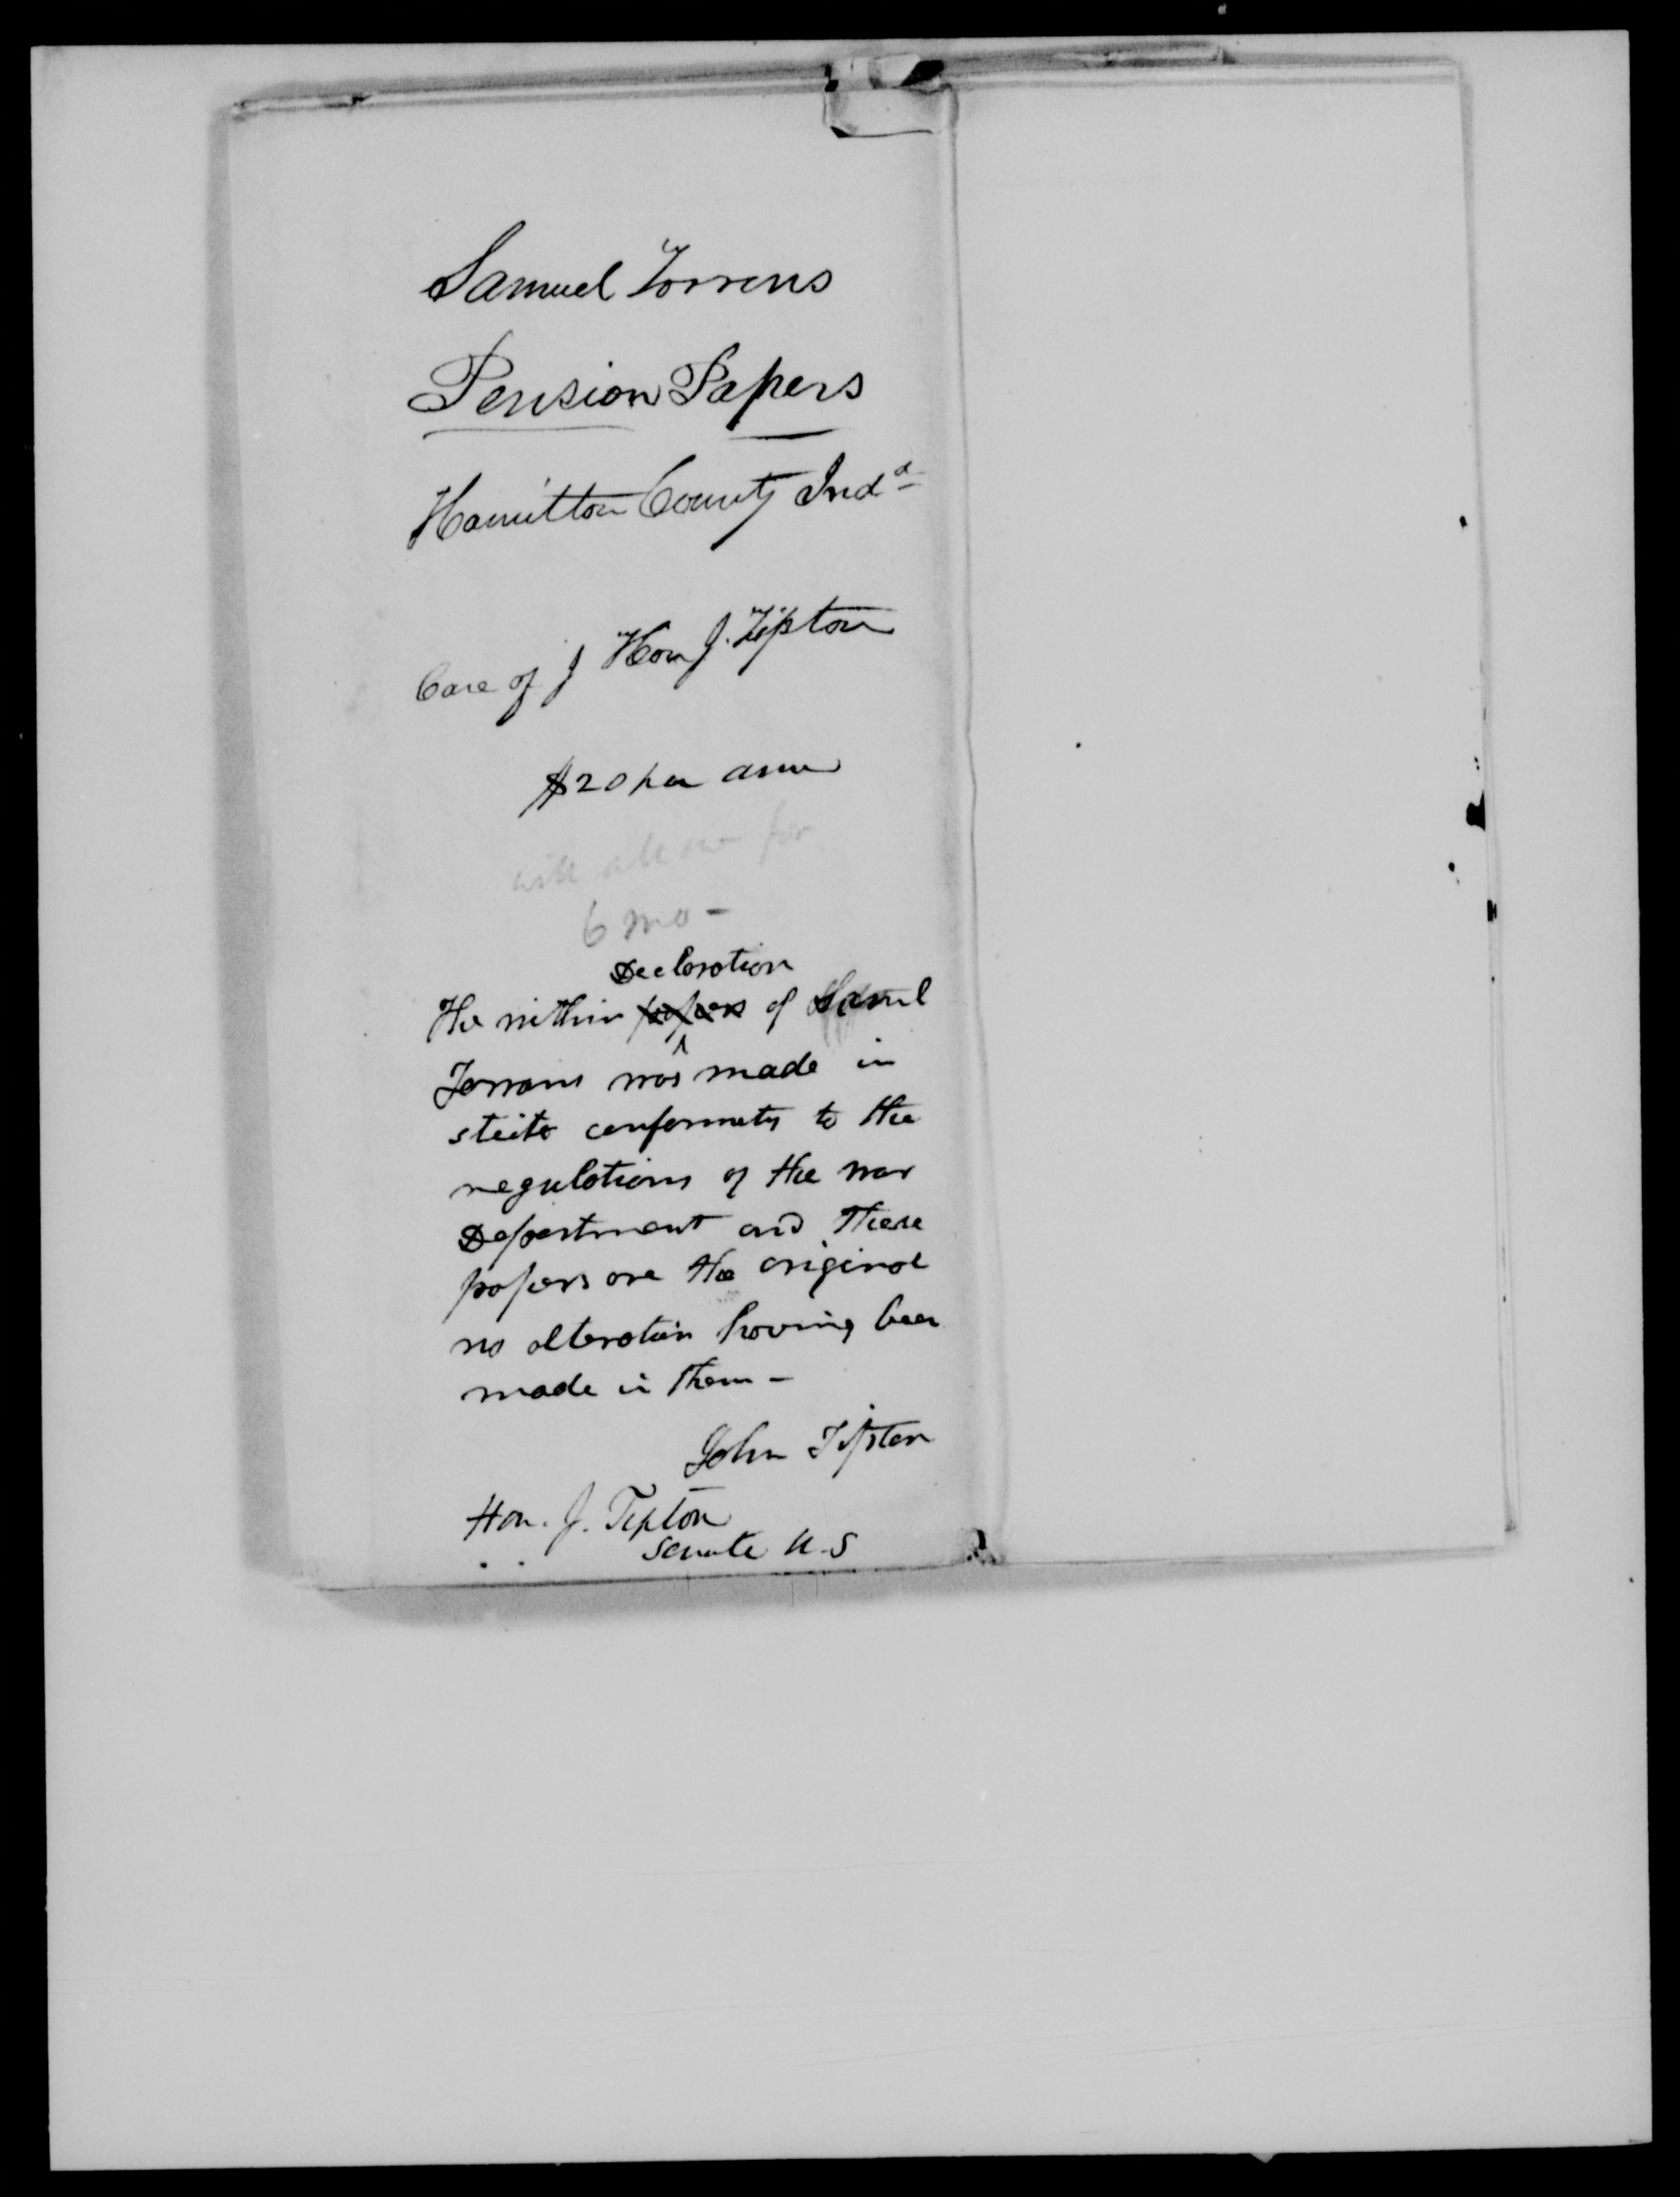Samuel Torrens
Pension Papers
Hamilton County Inda
Care of Hon J. Tipton
$20 per ann
will allow for
6 mo-
The within Declaration of Saml Torrons was made in strict conformity to the regulations of the war Department and these papers are the original no alteration having been made in them -
John Tipton
Hon. J. Tipton
Senate U.S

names: J Tipton, Saml Torrans, John Tipton, J Tipton, Samuel Torrens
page: 6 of 27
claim: widow's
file: W. 9860, Samuel Torrons, Va.